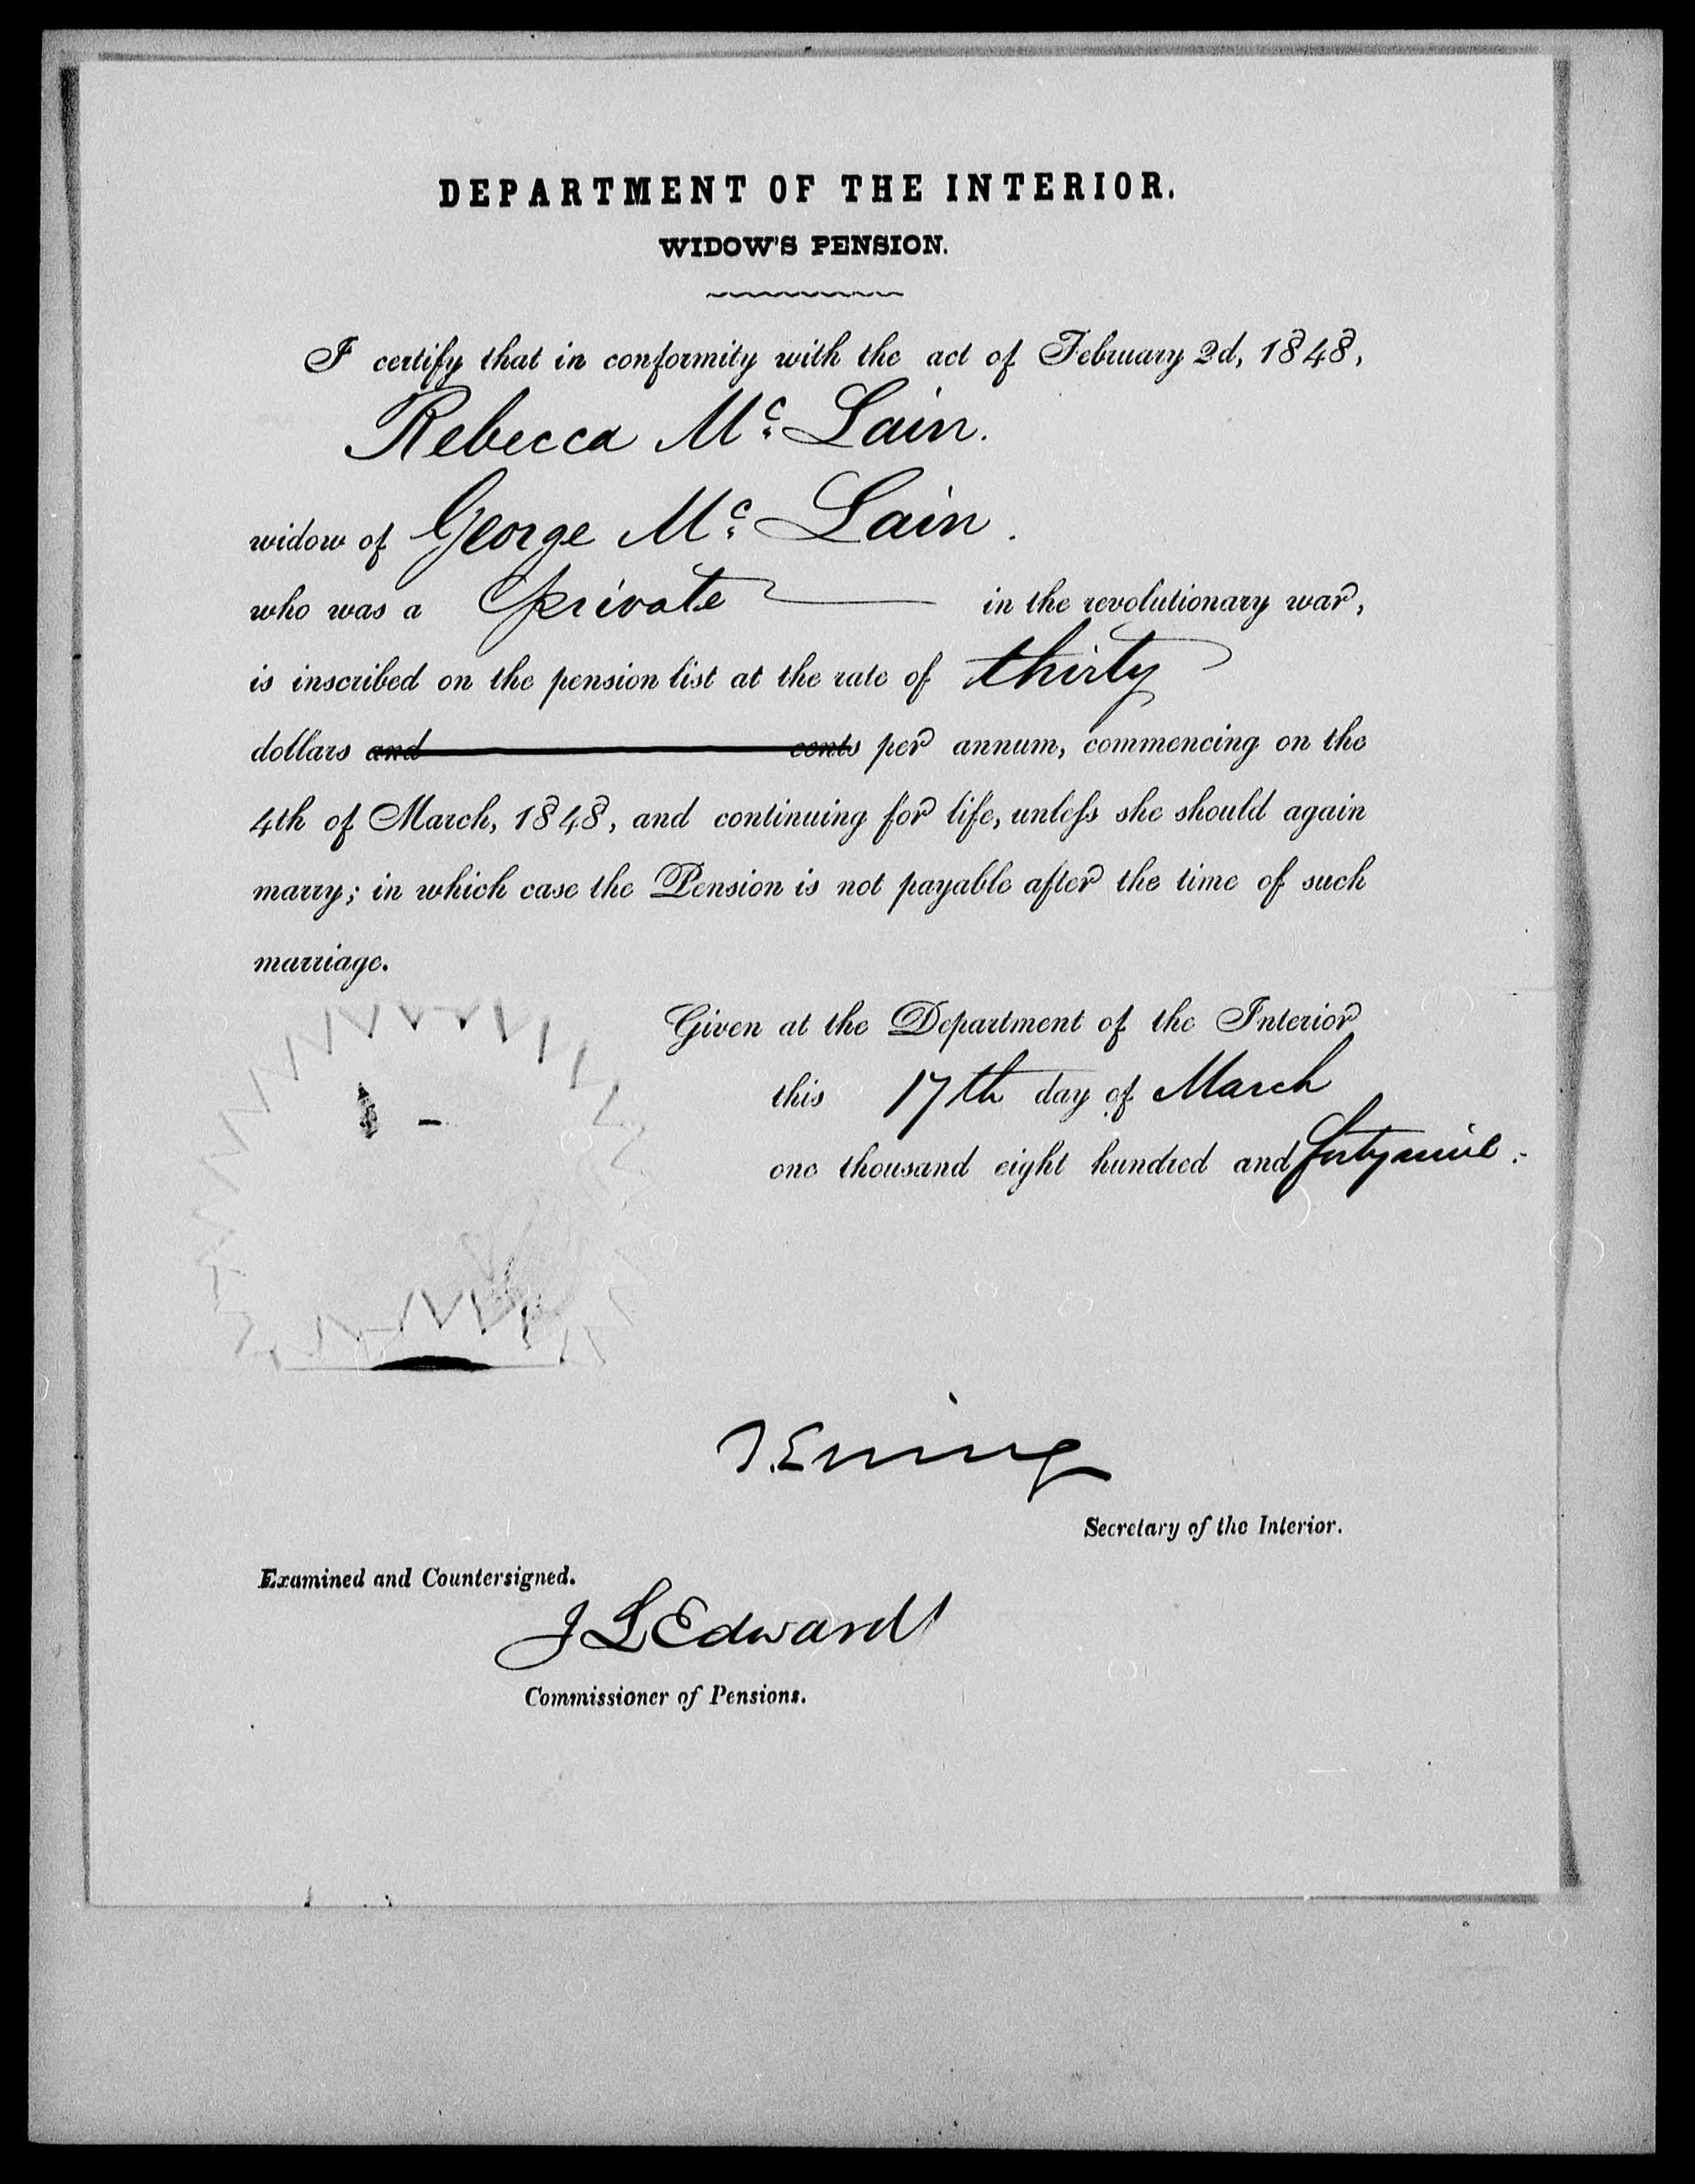[typed form, with handwritten responses]

DEPARTMENT OF THE INTERIOR. 
WIDOW'S PENSION.

I certify that in conformity with the act of February 2d, 1848, Rebecca McLain widow of George McLain who was a private in the revolutionary war, is inscribed on the pension list at the rate of thirty dollars --- per annum, commencing on the 4th of March, 1848, and continuing for life, unless she should again marry; in which case the Pension is not payable after the time of such marriage. 

Given at the Department of the Interior this 17th day of March one thousand eight hundred and forty nine

T Ewing 
Secretary of the Interior. 

Examined and Countersigned.
J L Edwards Commissioner of Pensions.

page: 42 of 67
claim: widow's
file: W. 21793, for George Mc Lain, North Carolina